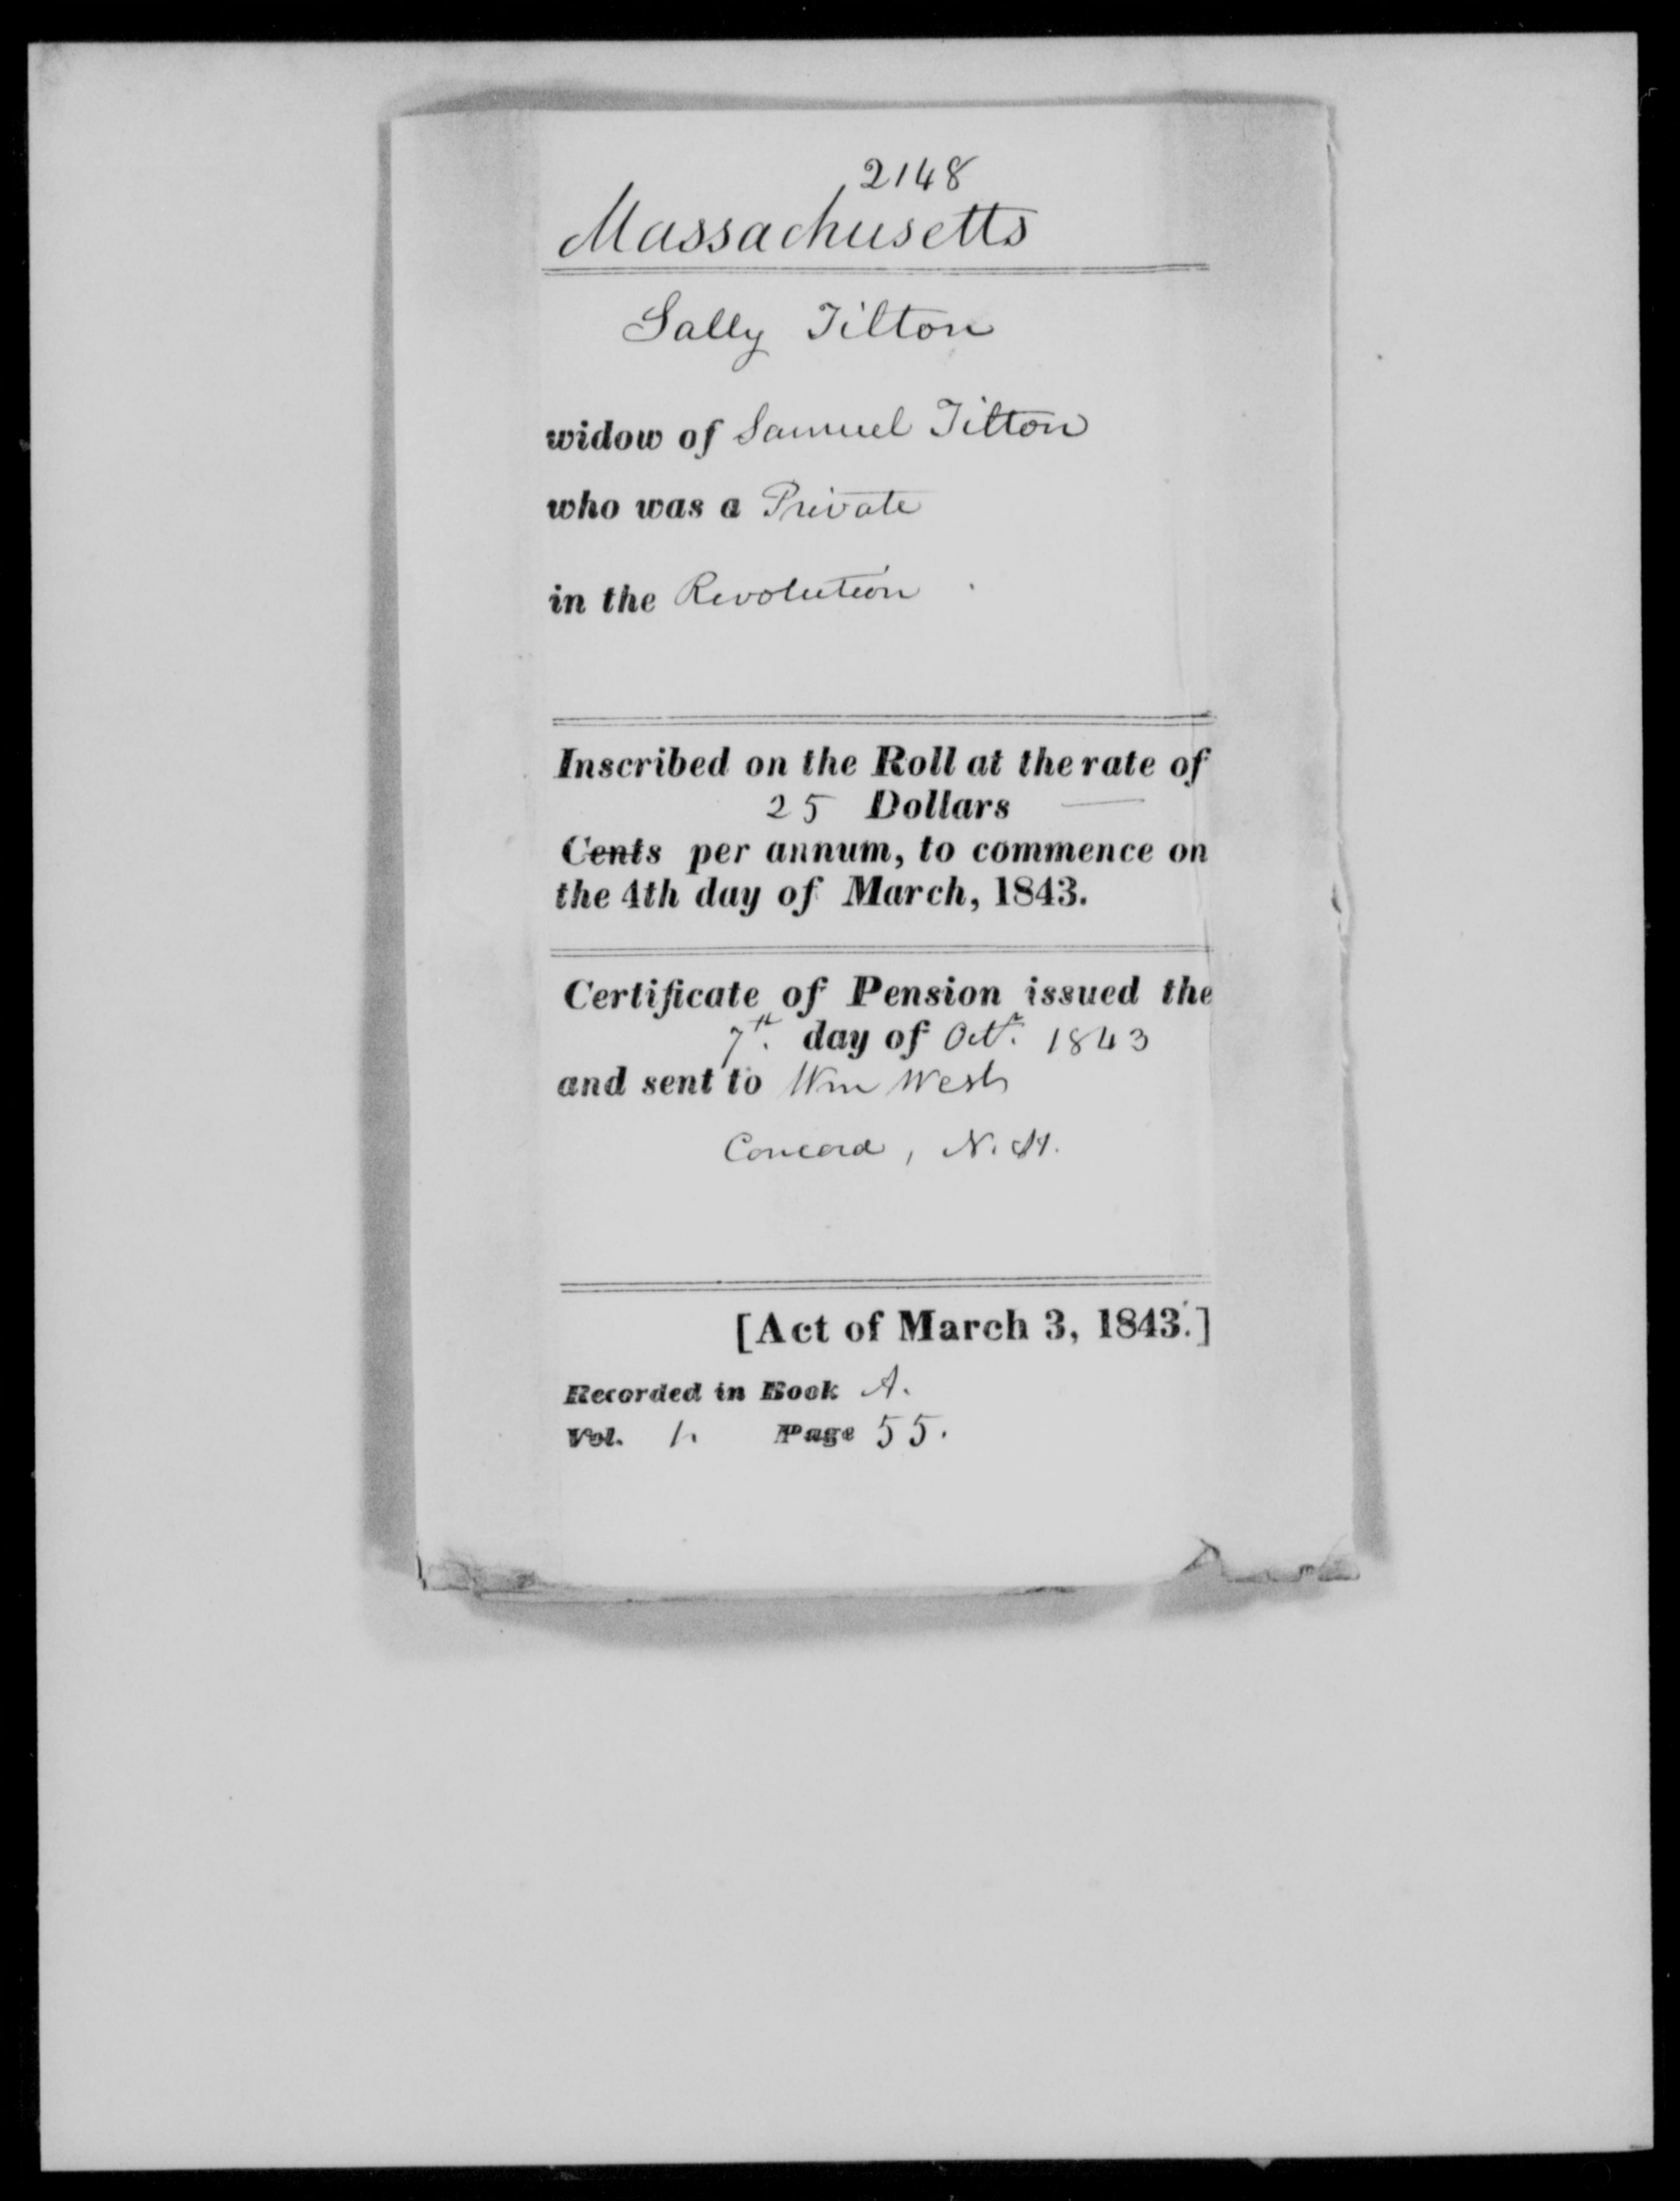2148
Massachusetts
Sally Tilton widow of Samuel Tilton who was a Private in the Revolution

Inscribed on the Roll at the rate of 25 Dollars [blank] Cents per annum, to commence on the 4th day March, 1843.

Certificate of Pension issue the 7th day of Octr 1843 and sent to Wm West Concord, N. H.

Act of March 3, 1843
Recorded in Book A
Vol 1 Page 55.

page: 20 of 55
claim: widow's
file: W. 14,021, for Samuel Tilton, New Hampshire